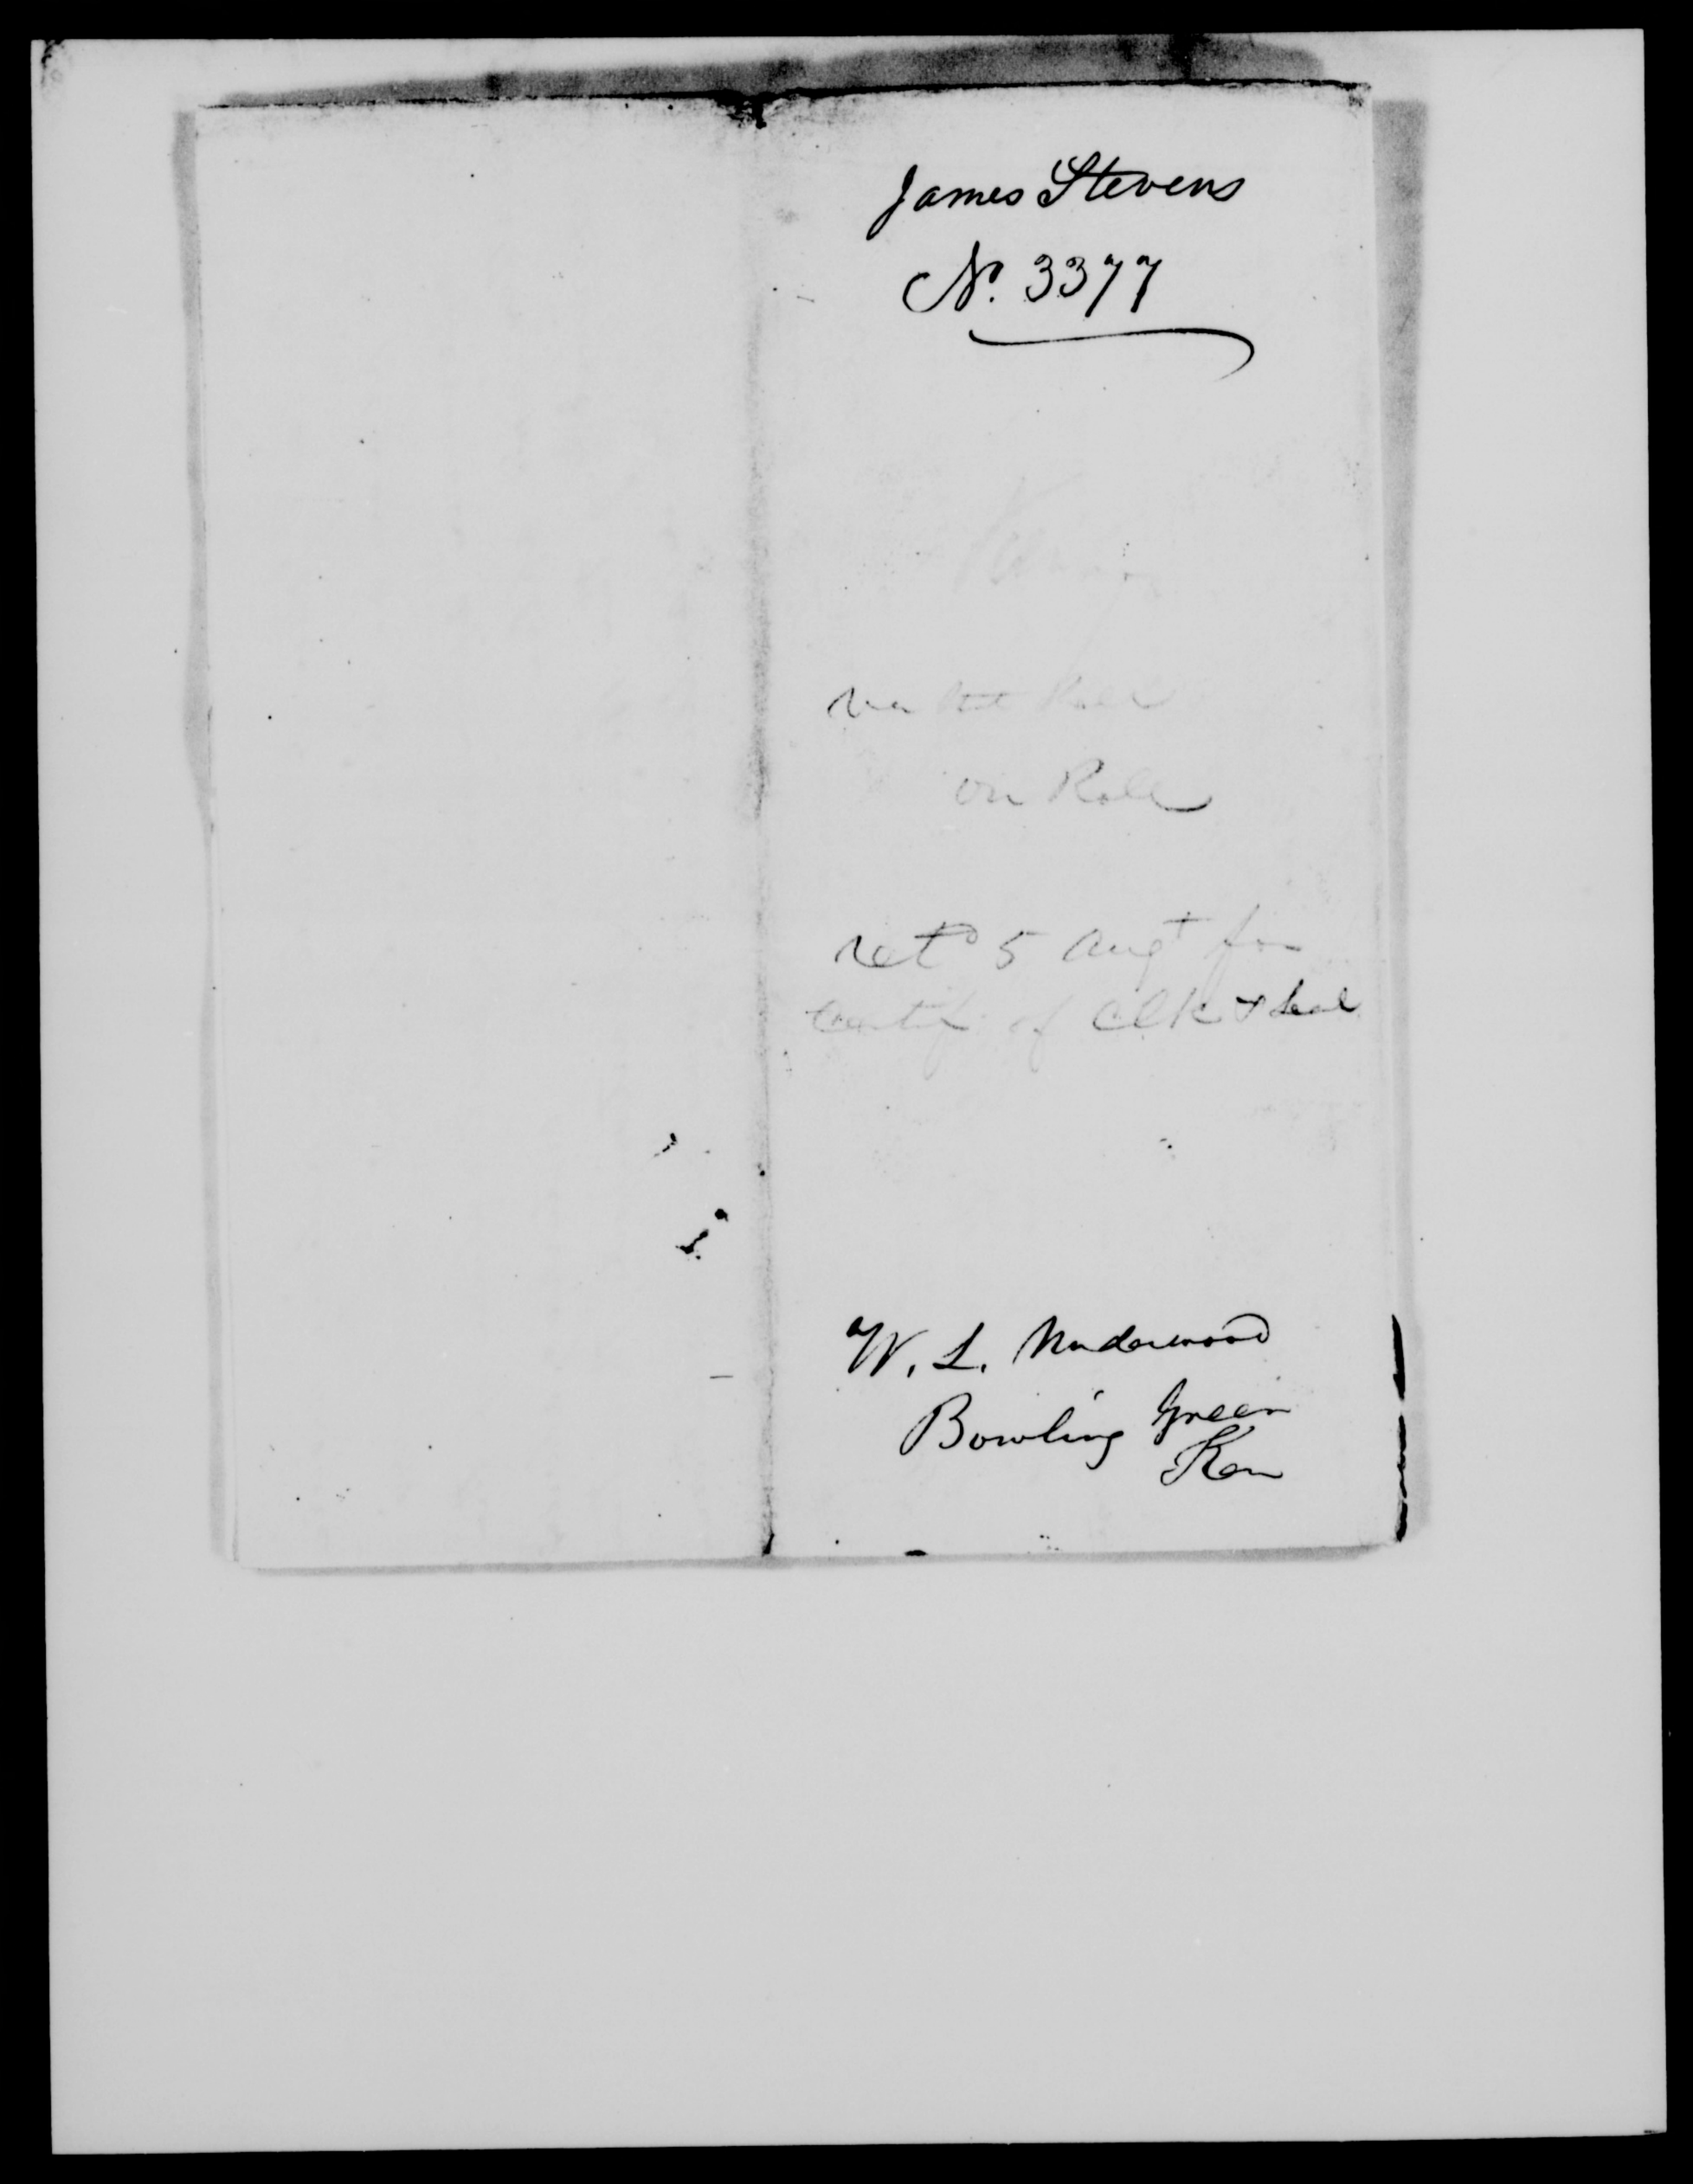James Stevens
No 3377
[illegible]
on Roll
retd 5 Augt for certif of clk & seal
W.S. Underwood
Bowling Green
Ken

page: 78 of 99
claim: widow's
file: W 8766, for James Stevens, Virginia